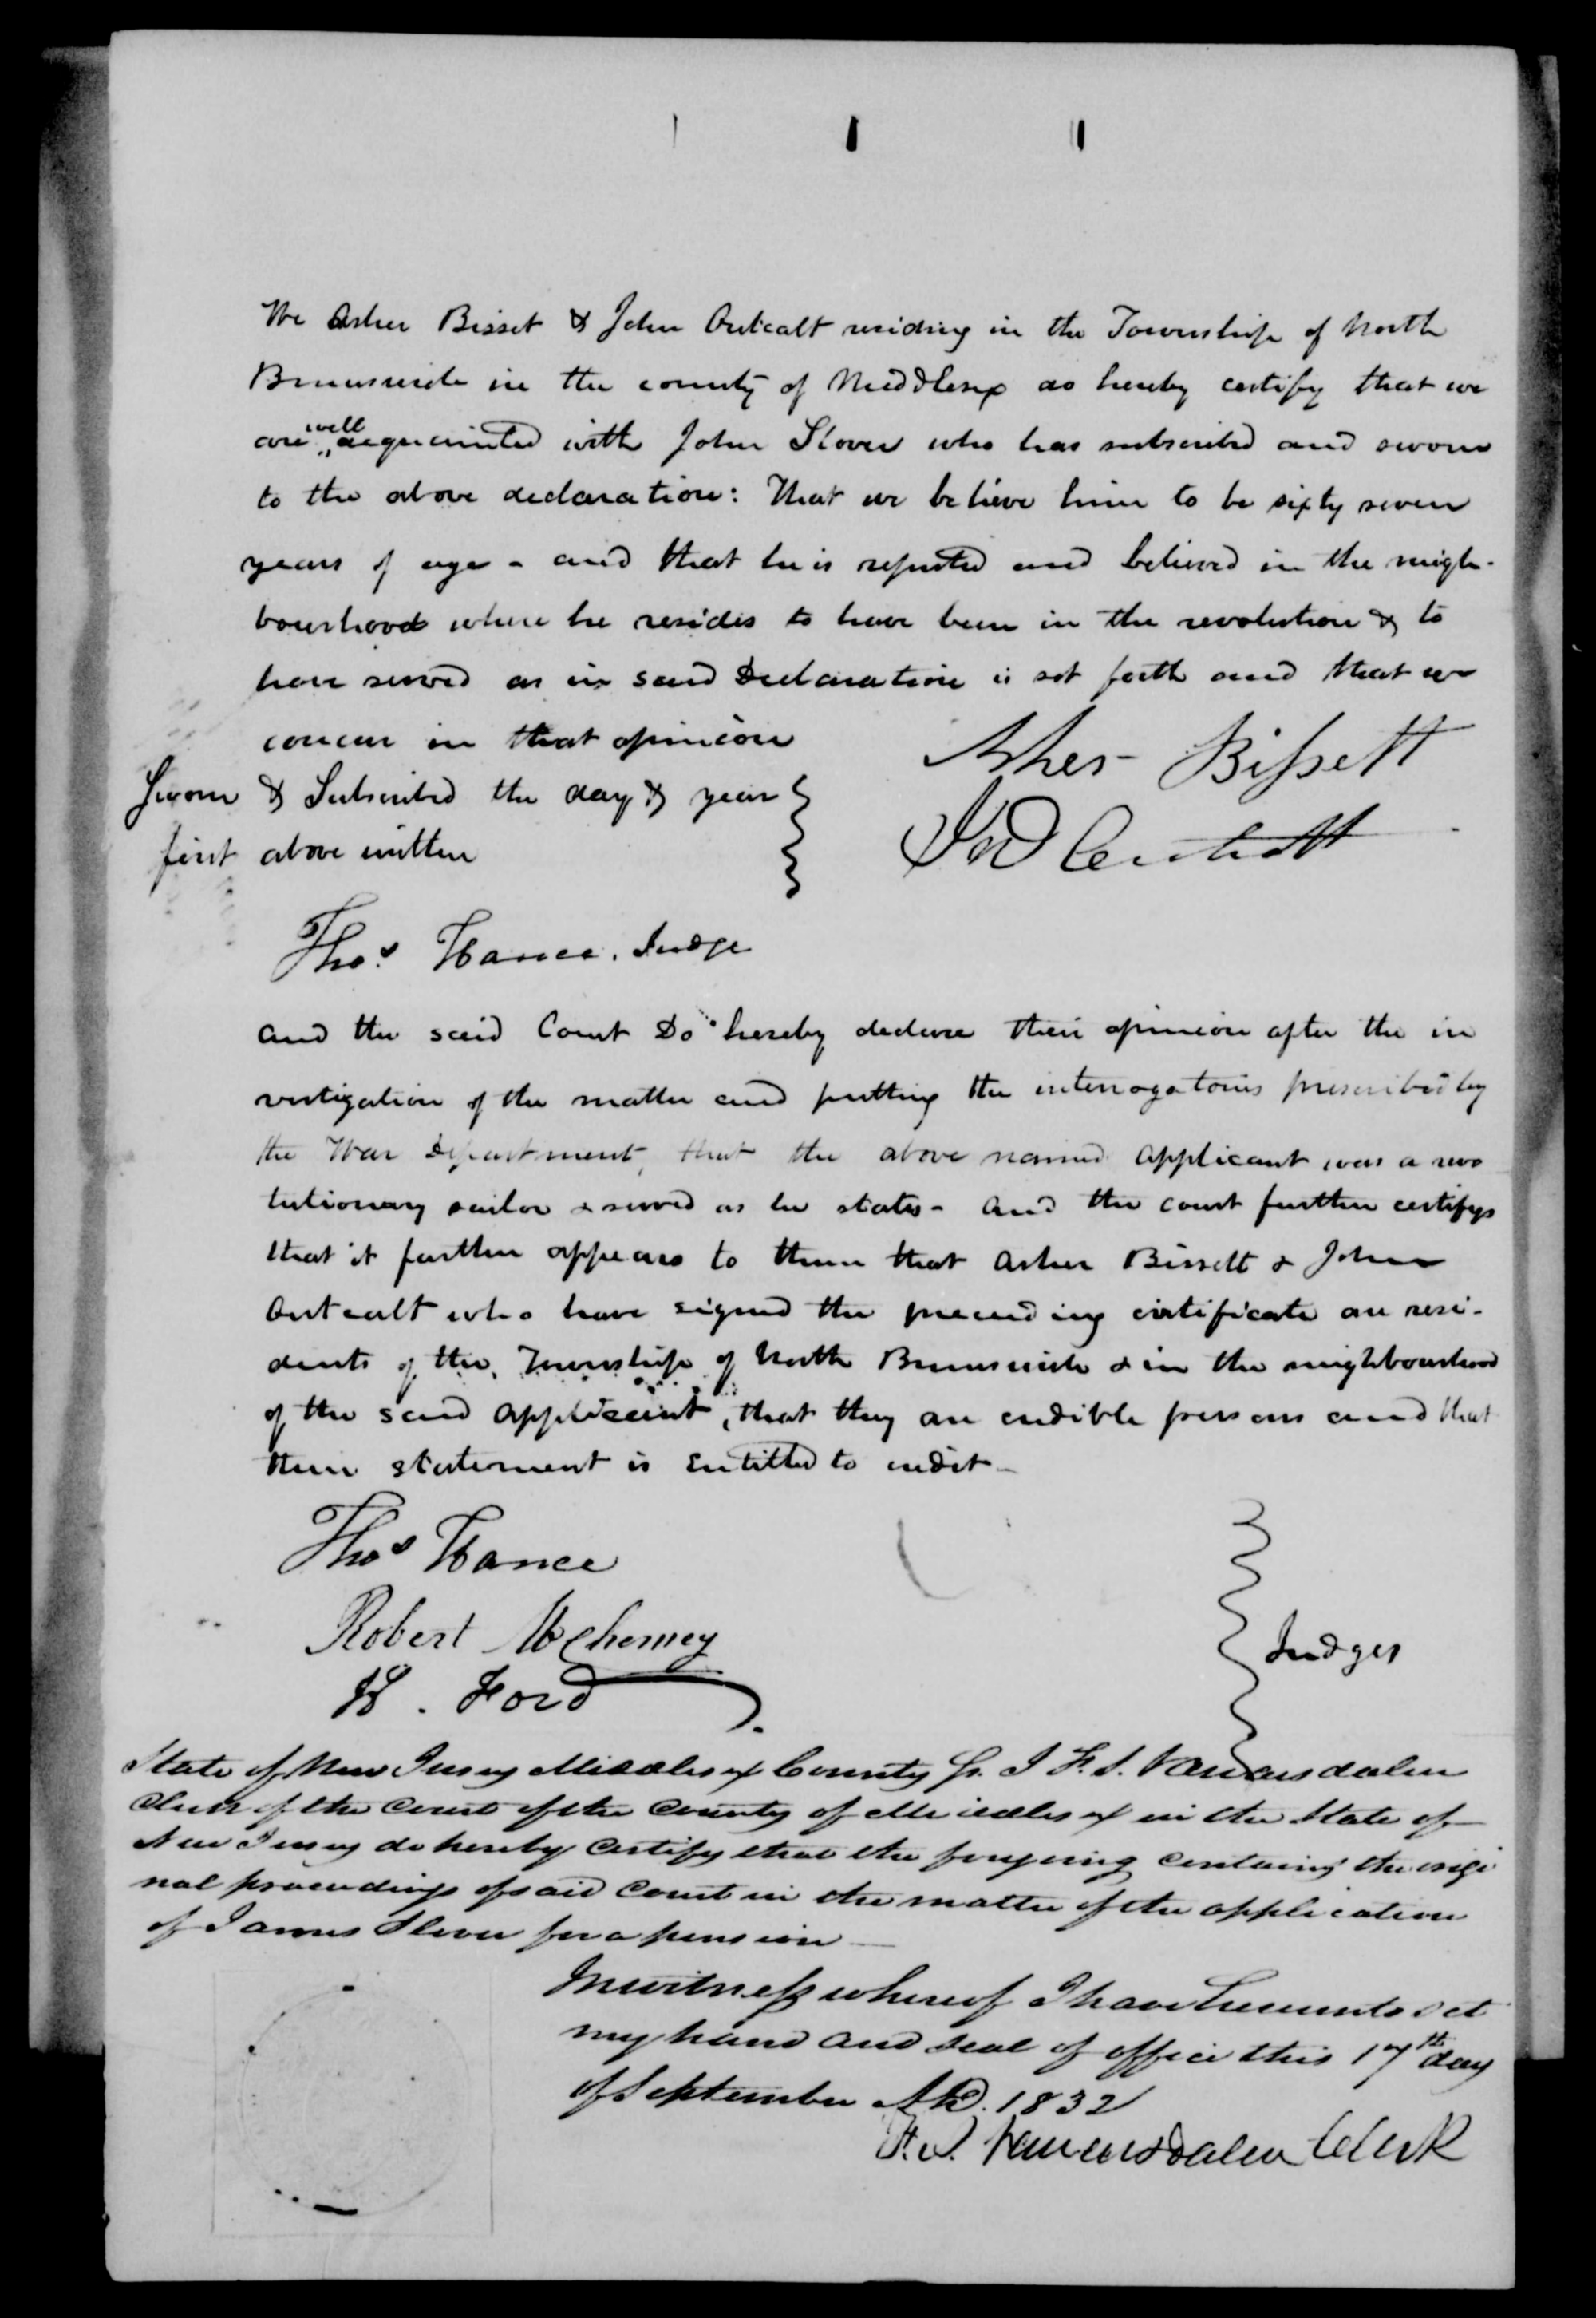We, Asher Bissett & John Certcalf, residing in the Township of North Brunswick in the County of Middlesex, do hereby certify that we are well acquainted with John Slover, who has subscribed and sworn to the above declaration. That we believe him to be Sixty s.even years of age and that he is reputed and believed in the neighborhood where he resides to have been in the revolution & to have served as in said declaration is set forth and that we concur in that opinion.
s/ Asher Bissett
s/ Jho. Certcalf

Sworn & subscribed the day & year first above written.
s/ Thos. Hance, Judge

And the said Court do hereby declare their opinion after the investigation of the matter and putting the interrogatories prescribed by the War Department, that the above named applicant was a Revolutionary Sailor & served as he states. And the court further certify that it further appears to them that Asher Bissett & John Certcalf, who have signed the preceding certificate are residents of the Township of North Brunswick & in the neighborhood of the said applicant. That they are credible persons and that then statement is entitled to credit.
Judges:
s/ Thos. Hance
s/ Robert McChesney
s/ Jos. Ford, 

State of New Jersey
Middlesex County//

I, F.S. Vanarsdalen, Clerk of the Court of the County of Middlesex in the State of New Jersey, do hereby certify that the foregoing contains the original proceedings of said Court in the matter of the applicant of James Slover for a pension.

In witness whereof I have hereunto set my Hand and Seal of Office this 17th day of September A.D. 1832.
s/ F.S. Vanarsdalen, Clerk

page: 7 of 46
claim: widow's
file: W. 6205, for John Slover, New Jersey